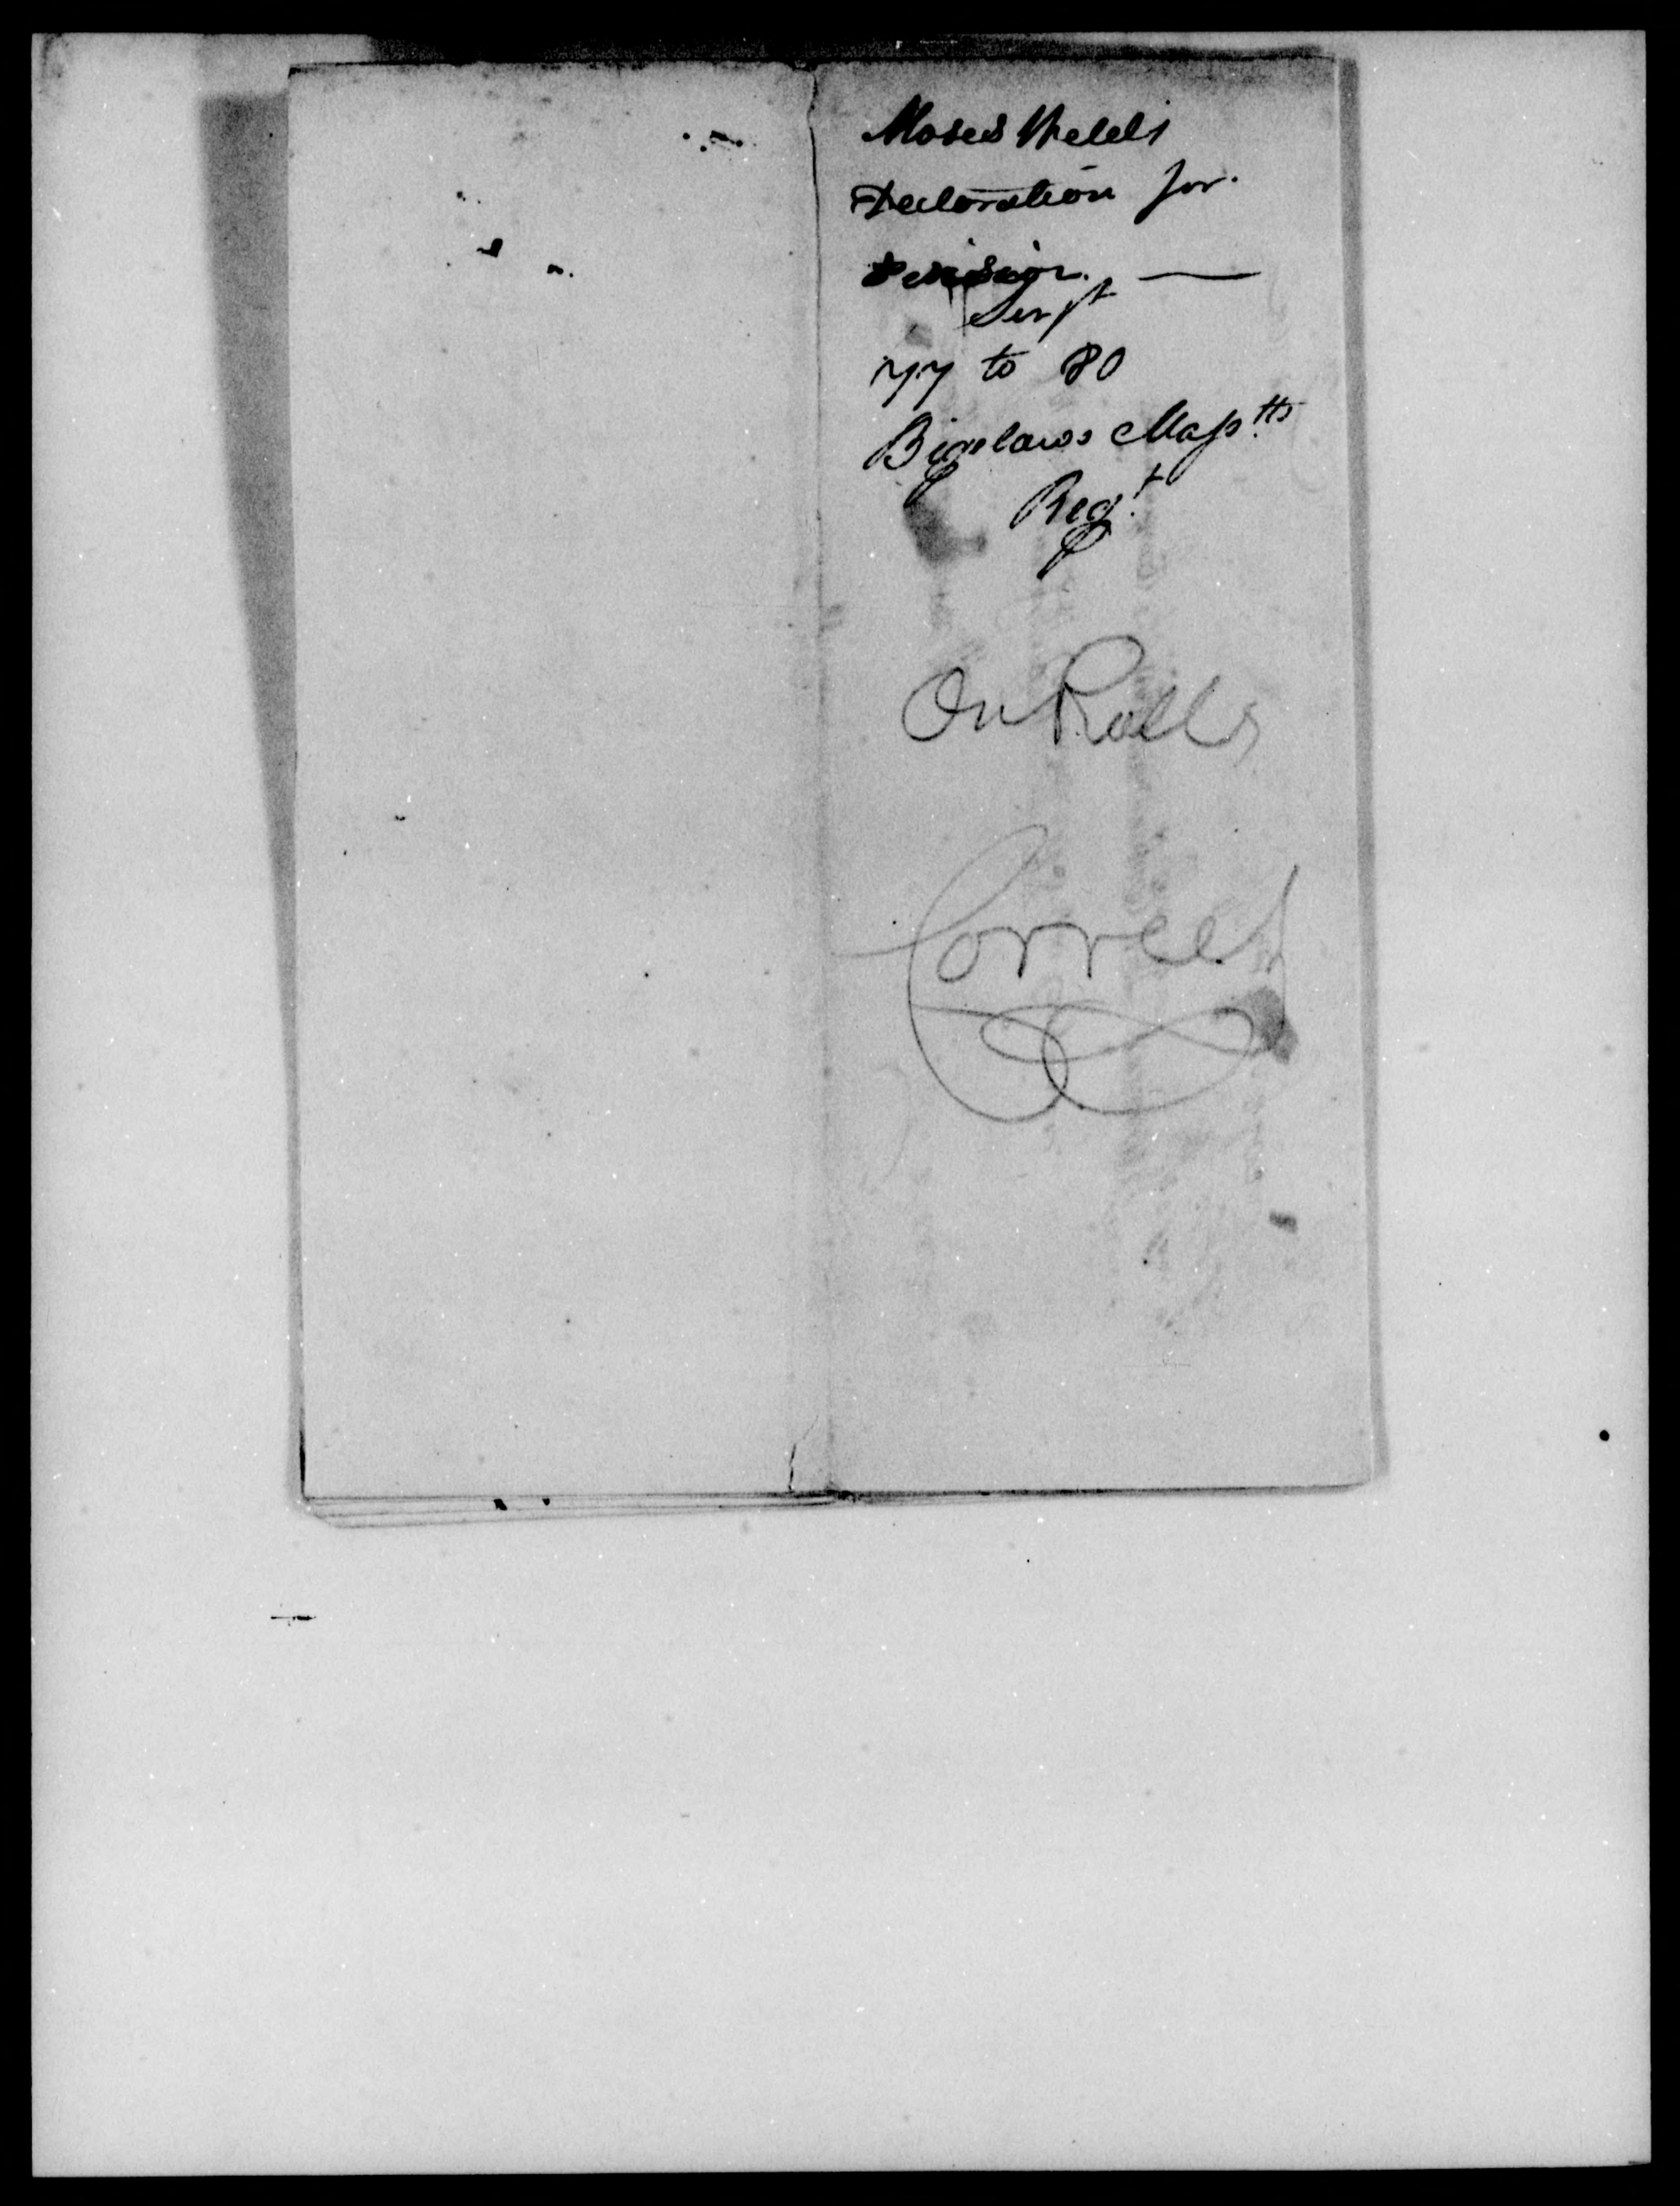Moses Weld
Declaration for Pension ~
SerV
77 to 80
Bigelows Mass 15 Reg

[in large script]
On Roll
Correct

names: Moses Weld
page: 6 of 87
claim: widow's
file: W. 25,966, Moses Weld, Mass.